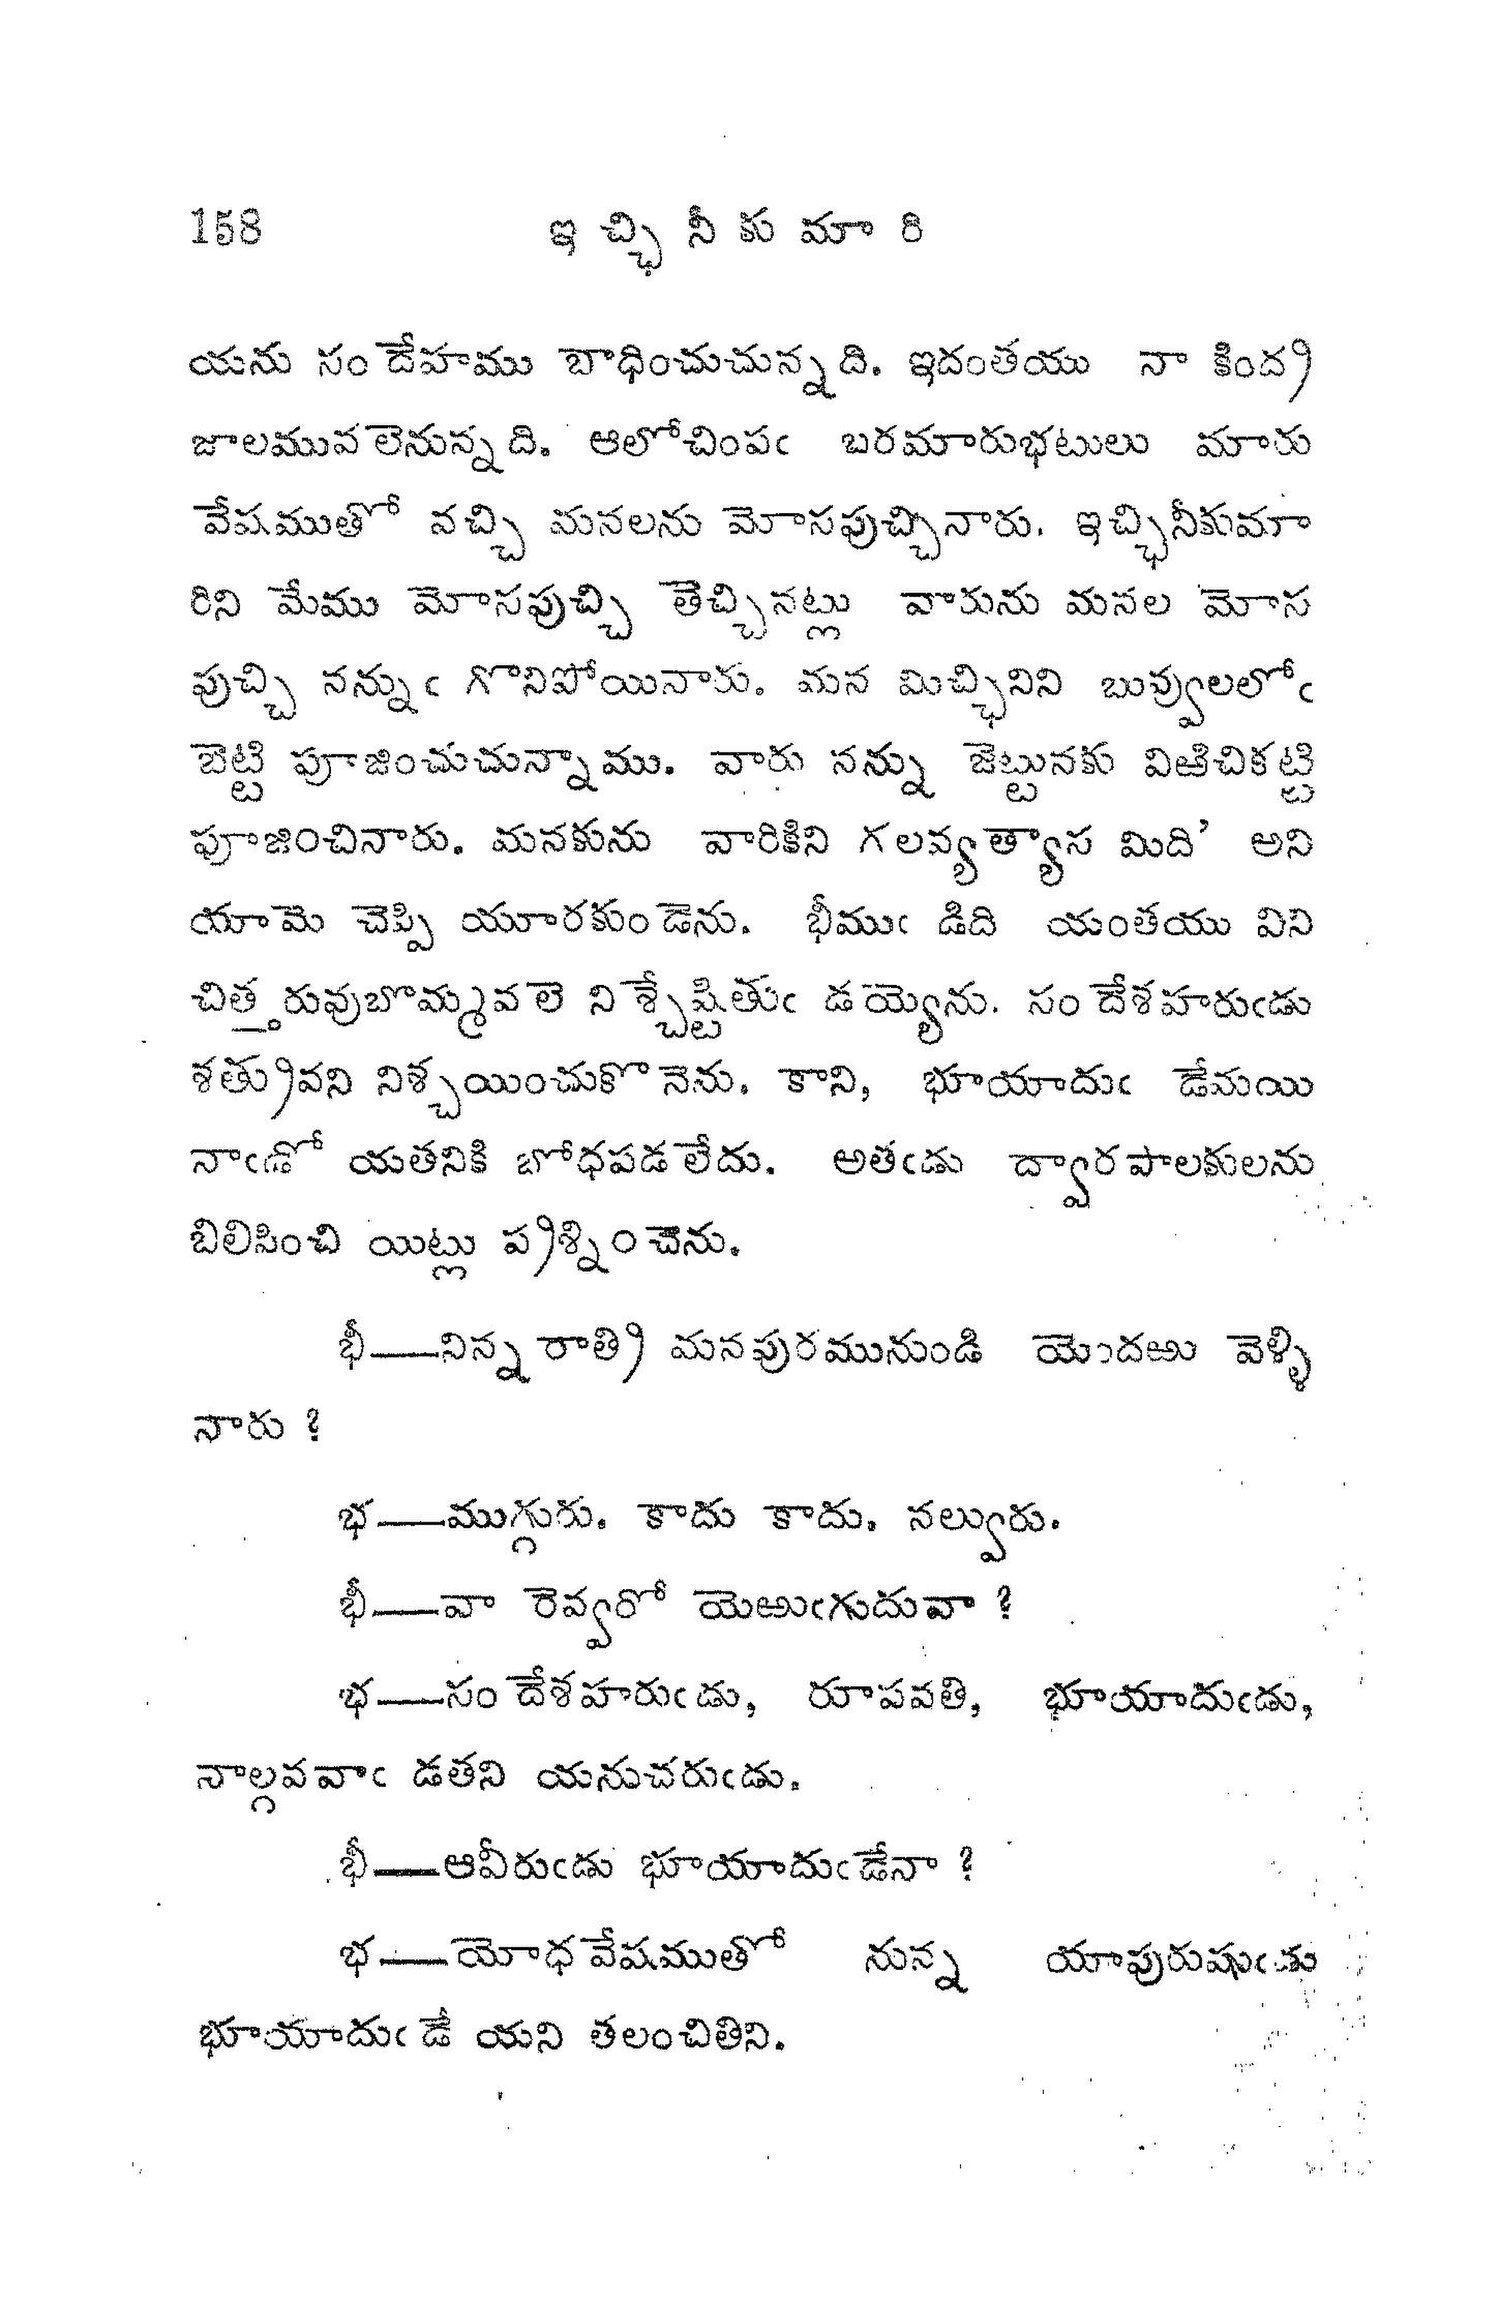యను సందేహము బాధించుచున్నది. ఇదంతయు నా కింద్ర
జాలమువలె నున్నది. ఆలోచింపఁ బరమారుభటులు మారు
వేషముతో నచ్చి మనలను మోసపుచ్చినారు. ఇచ్ఛినీకుమా
రిని మేము మోసపుచ్చి తెచ్చినట్లు వారును మనల 'మోస
పుచ్చి నన్నుగొనిపోయినారు. మన మిచ్ఛినిని బువ్వులలో
బెట్టి పూజించుచున్నాము. వారు నన్ను జెట్టునకు విఱిచికట్టి
పూజించినారు. మనకును వారికిని గలవ్యత్యాస మిది' అని
యూమె చెప్పి యూరకుం డెను. భీముఁ డిది యంతయు విని
చిత్త రువు బొమ్మవలె నిశ్చేష్టితుఁ డయ్యెను. సందేశహరుఁడు
శత్రువని నిశ్చయించుకొ నెను. కాని, భూయాదుఁ డేమయి
నాఁడో యతనికి బోధపడ లేదు. అతఁడు ద్వార పాలకులను
బిలిపించి యిట్లు ప్రశ్నించెను.

భీ: -నిన్న రాత్రి మన పురమునుండి యెందఱు వెళ్ళినారు?

భ: . -ముగ్గురు. కాదు కాదు, నల్వురు.

భీ: రెవ్వరో యెఱుఁగుదువా ?

భ: సందేశహరుఁడు, రూపవతి, భూయాదుఁడు, నాల్గవ వాఁ డతని యనుచరుఁడు,

భీ: ఆవీరుఁడు భూయాదుఁడేనా ?

భ. -యోధ వేషముతో నున్న యాపురుషుఁడు భూయాదుఁడే యని తలంచితిని.